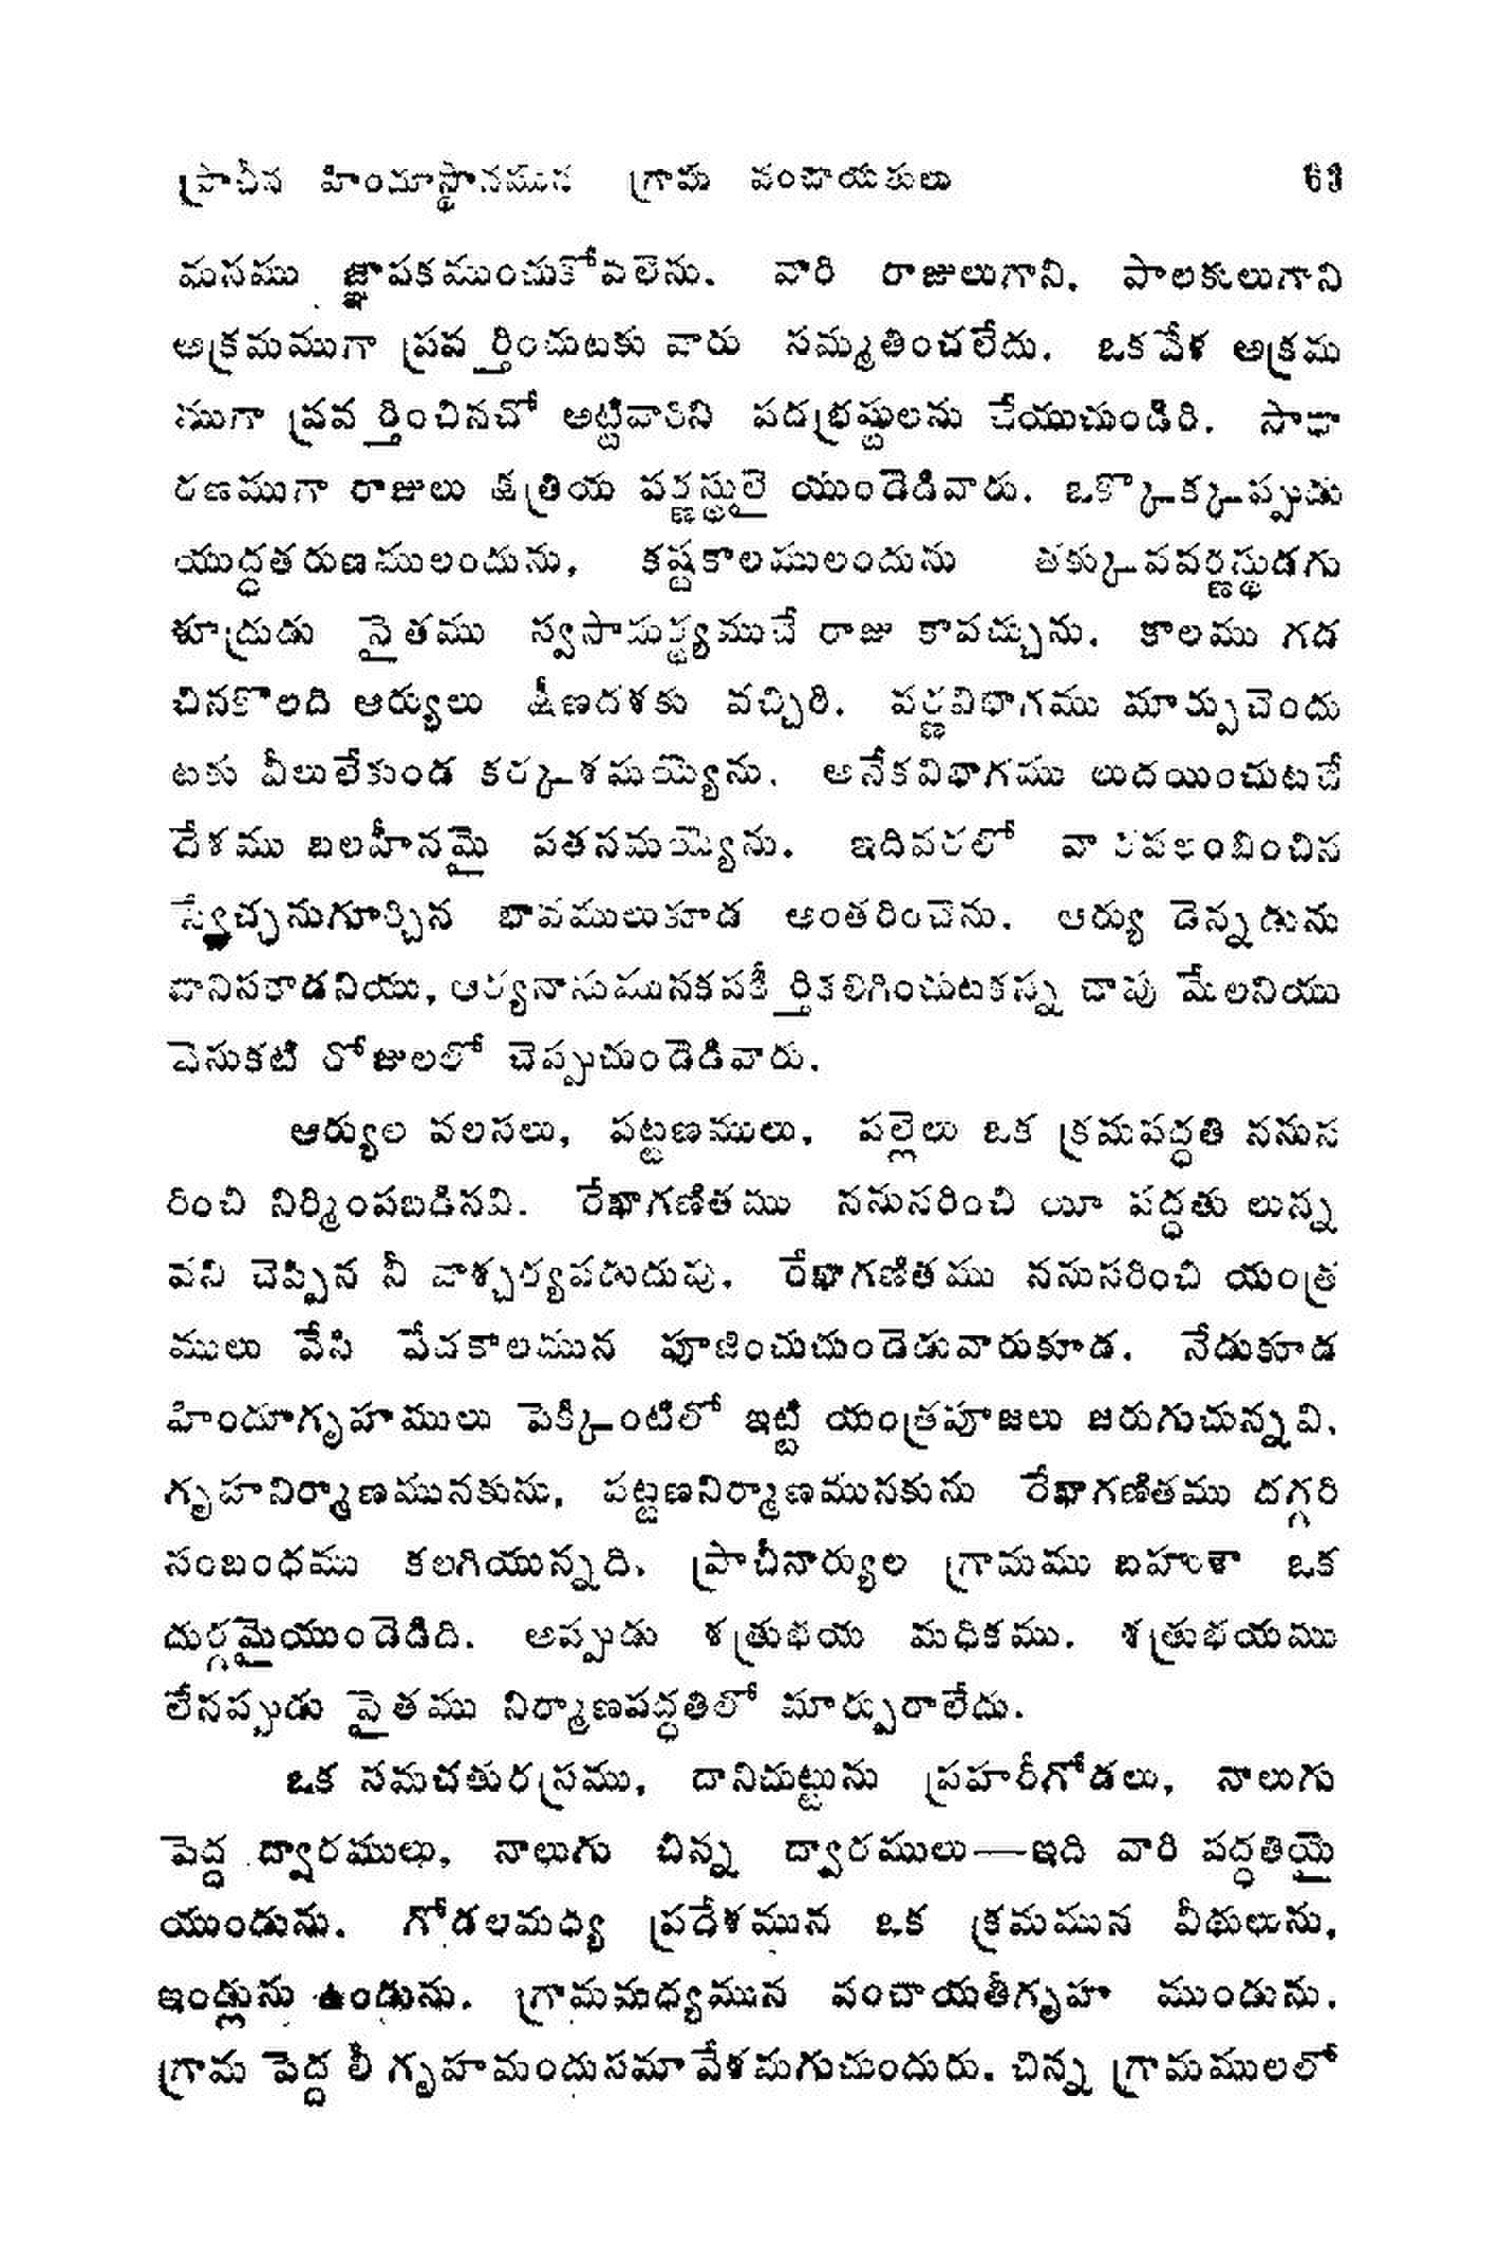మనము జ్ఞాపకముంచుకోవలెను. వారి రాజులుగాని, పాలకులుగాని అక్రమముగా ప్రవర్తించుటకు వారు సమ్మతించలేదు. ఒక వేళ అక్రమముగా ప్రవర్తించినచో అట్టివారిని పదభ్రష్టులను చేయుచుండిరి. సాధారణముగా రాజులు క్షత్రియ వర్ణస్థులై యుండెడివారు. ఒక్కొక్కప్పుడు యుద్దతరుణములందును, కష్టకాలములందును తక్కువవర్ణస్థుడగు శూద్రుడు సైతము స్వసామర్థ్యముచే రాజు కావచ్చును. కాలము గడచినకొలది ఆర్యులు క్షీణదశకు వచ్చిరి. వర్ణవిభాగము మార్పుచెందుటకు వీలులేకుండ కర్కశమయ్యెను. అనేకవిభాగము లుదయించుటచే దేశము బలహీనమై పతనమయ్యెను. ఇదివరలో వారవలంబించిన స్వేచ్ఛనుగూర్చిన భావములుకూడ అంతరించెను. ఆర్యు డెన్నడును బానిసకాడనియు, ఆర్యనామమునకపకీర్తికలిగించుటకన్న చావు మేలనియు వెనుకటి రోజులలో చెప్పుచుండెడి వారు,

ఆర్యుల వలసలు, పట్టణములు, పల్లెలు ఒక క్రమపద్ధతి ననుసరించి నిర్మింపబడినవి. రేఖాగణితము ననుసరించి యీ పద్దతు లున్నవని చెప్పిన నీ వాశ్చర్యపడుదువు. రేఖాగణితము ననుసరించి యంత్రములు వేసి వేదకాలమున పూజించుచుండెడువారుకూడ. నేడుకూడ హిందూగృహములు పెక్కింటిలో ఇట్టి యంత్రపూజలు జరుగుచున్నవి. గృహనిర్మాణమునకును, పట్టణ నిర్మాణమునకును రేఖాగణితము దగ్గరి సంబంధము కలగియున్నది. ప్రాచీనార్యుల గ్రామము బహుశా ఒక దుర్గమైయుండెడిది. అప్పుడు శత్రుభయ మధికము. శత్రుభయము లేనప్పుడు సైతము నిర్మాణపద్ధతిలో మార్పురాలేదు.

ఒక సమచతురస్రము, దానిచుట్టును ప్రహరీగోడలు, నాలుగు పెద్ద ద్వారములు, నాలుగు చిన్న ద్వారములు – ఇది వారి పద్ధతియై యుండును. గోడలమధ్య ప్రదేశమున ఒక క్రమమున వీథులును, ఇండ్లును ఉండును. గ్రామమధ్యమున పంచాయతీగృహ ముండును. గ్రామ పెద్ద లీ గృహమందు సమావేశమగుచుందురు. చిన్న గ్రామములలో